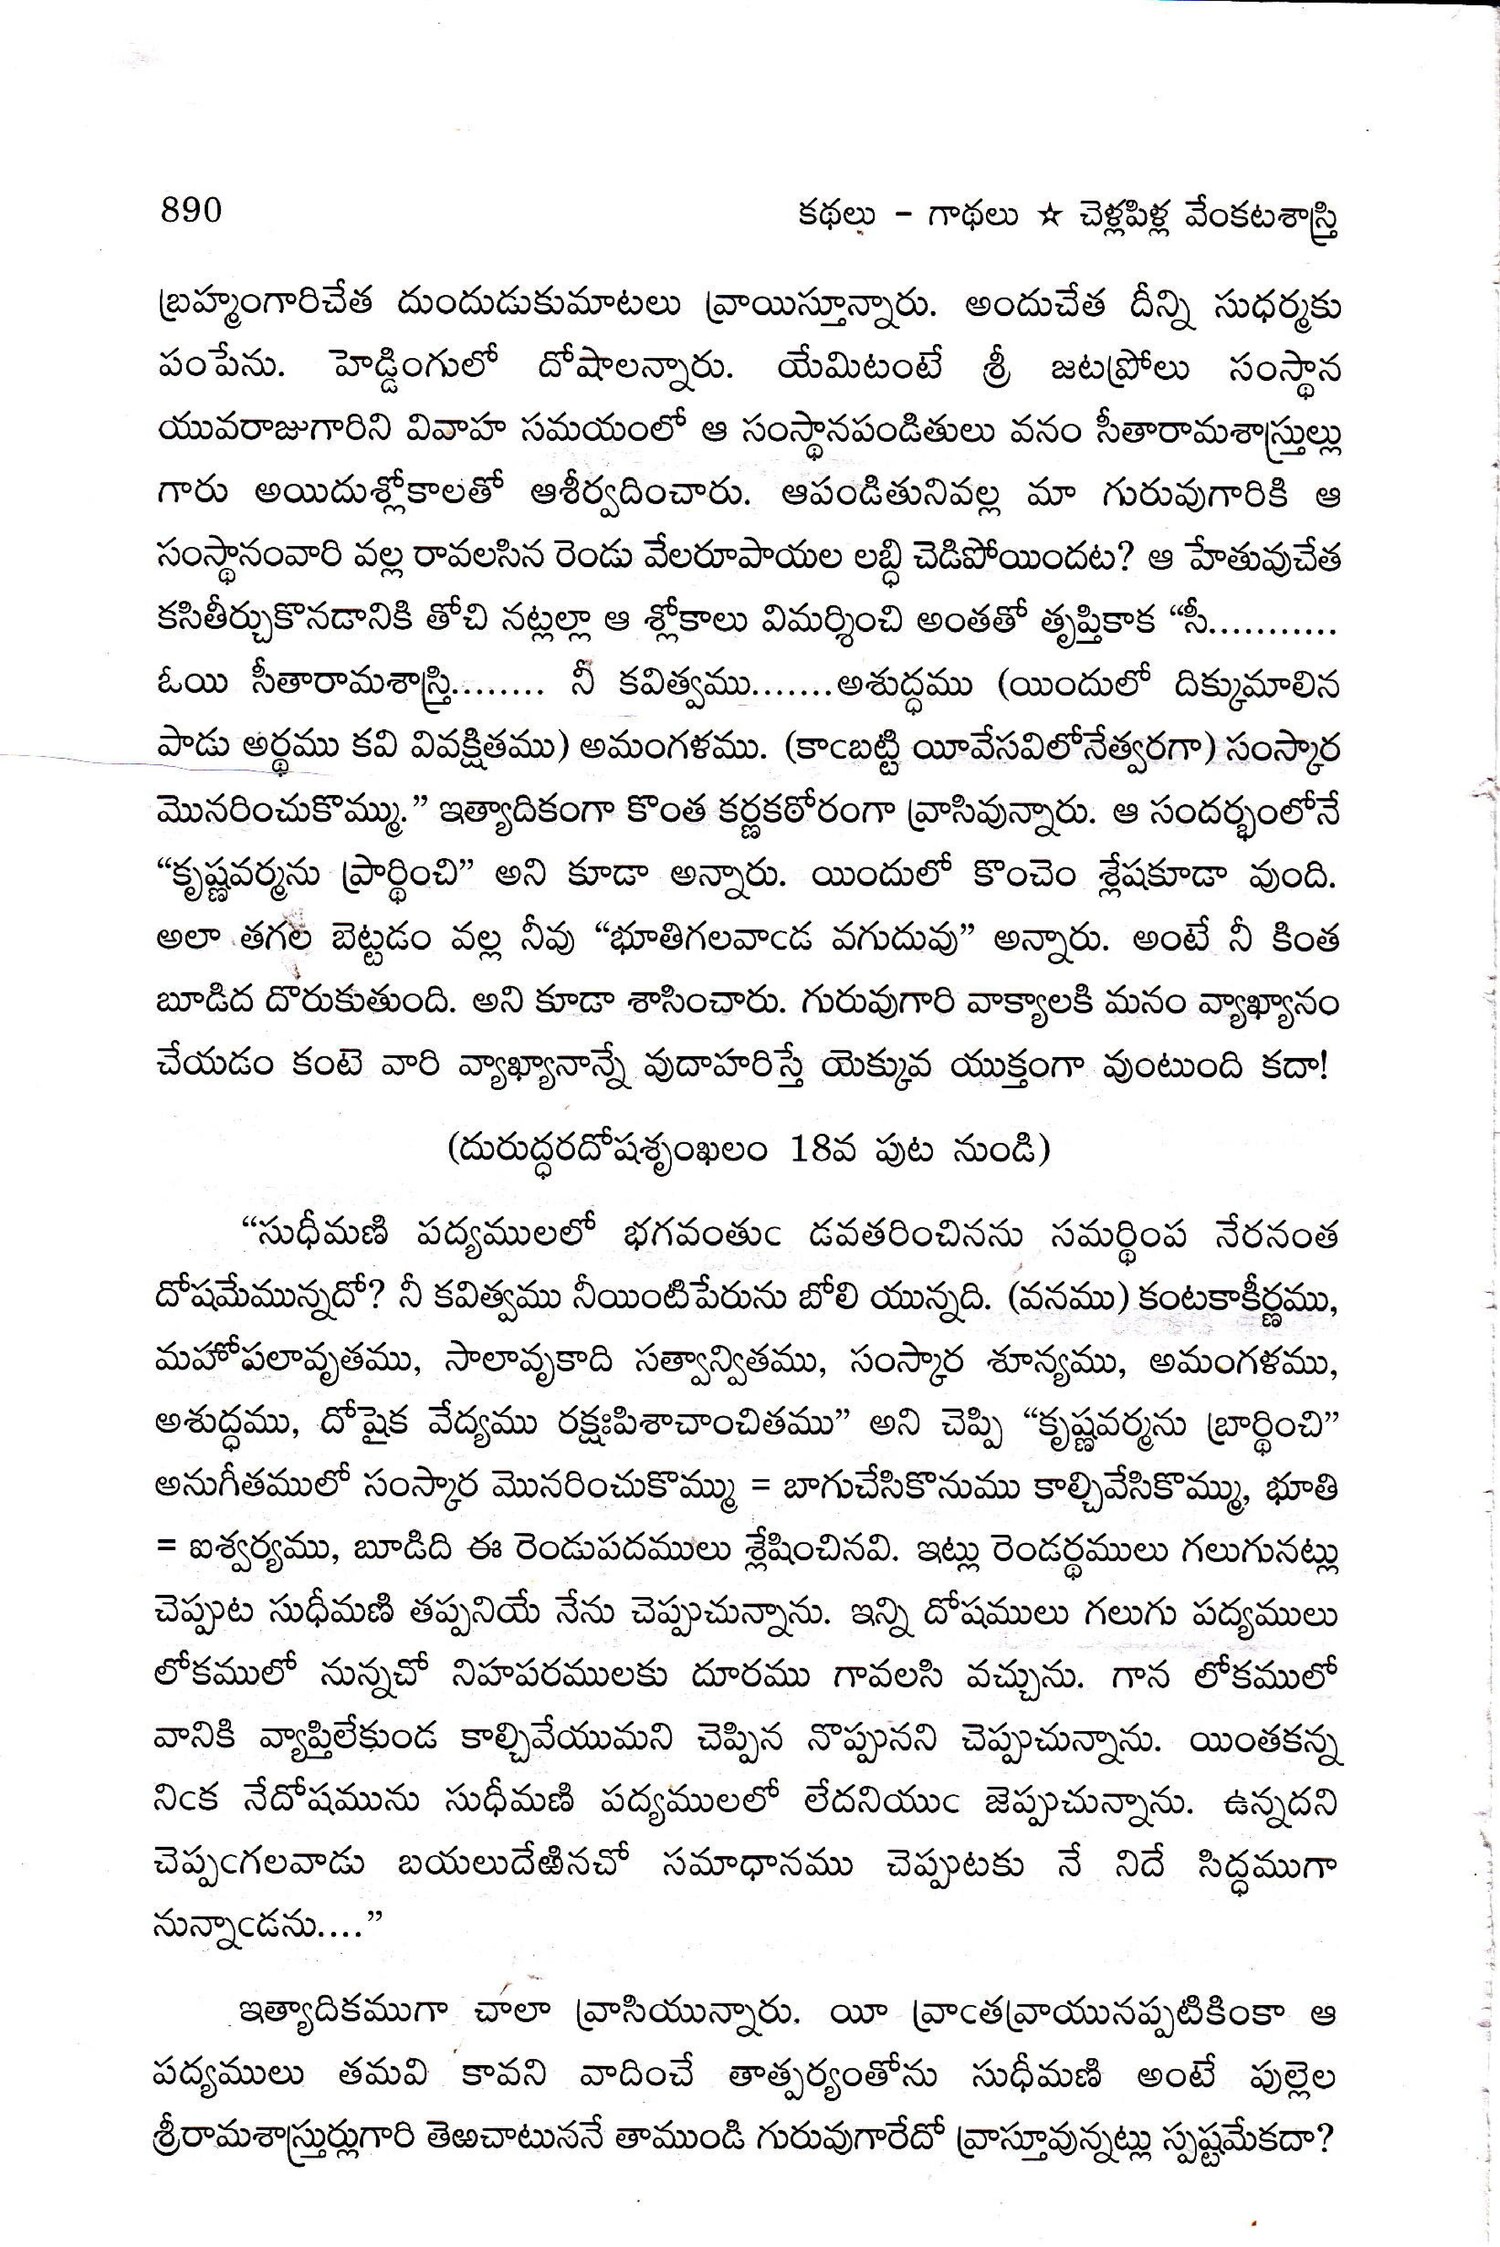బ్రహ్మంగారిచేత దుందుడుకుమాటలు వ్రాయిస్తూన్నారు. అందుచేత దీన్ని సుధర్మకు పంపేను. హెడ్డింగులో దోషాలన్నారు. యేమిటంటే శ్రీ జటప్రోలు సంస్థాన యువరాజుగారిని వివాహ సమయంలో ఆ సంస్థానపండితులు వనం సీతారామశాస్త్రుల్లు గారు అయిదుశ్లోకాలతో ఆశీర్వదించారు. ఆపండితునివల్ల మా గురువుగారికి ఆ సంస్థానంవారి వల్ల రావలసిన రెండు వేలరూపాయల లబ్ది చెడిపోయిందట? ఆ హేతువుచేత కసితీర్చుకొనడానికి తోచి నట్లల్లా ఆ శ్లోకాలు విమర్శించి అంతతో తృప్తికాక "సీ........... ఓయి సీతారామశాస్త్రి....... నీ కవిత్వము...... అశుద్ధము (యిందులో దిక్కుమాలిన పాడు అర్థము కవి వివక్షితము) అమంగళము. (కాcబట్టి యీ వేసవిలోనేత్వరగా) సంస్కార మొనరించుకొమ్ము" ఇత్యాదికంగా కొంత కర్ణకఠోరంగా వ్రాసివున్నారు. ఆ సందర్భంలోనే "కృష్ణవర్మను ప్రార్థించి" అని కూడా అన్నారు. యిందులో కొంచెం శ్లేషకూడా వుంది. అలా తగల బెట్టడం వల్ల నీవు “భూతిగలవాఁడ వగుదువు" అన్నారు. అంటే నీ కింత బూడిద దొరుకుతుంది. అని కూడా శాసించారు. గురువుగారి వాక్యాలకి మనం వ్యాఖ్యానం చేయడం కంటె వారి వ్యాఖ్యానాన్నే వుదాహరిస్తే యెక్కువ యుక్తంగా వుంటుంది కదా!

"సుధీమణి పద్యములలో భగవంతుఁ డవతరించినను సమర్ధింప నేరనంత దోషమేమున్నదో? నీ కవిత్వము నీయింటిపేరును బోలి యున్నది. (వనము) కంటకాకీర్ణము, మహోపలావృతము, సాలావృకాది సత్వాన్వితము, సంస్కార శూన్యము, అమంగళము, అశుద్ధము, దోపైక వేద్యము రక్షఃపిశాచాంచితము" అని చెప్పి "కృష్ణవర్మను బ్రార్థించి" అనుగీతములో సంస్కార మొనరించుకొమ్ము = బాగుచేసికొనుము కాల్చివేసికొమ్ము, భూతి = ఐశ్వర్యము, బూడిది ఈ రెండుపదములు శ్లేషించినవి. ఇట్లు రెండర్థములు గలుగునట్లు చెప్పుట సుధీమణి తప్పనియే నేను చెప్పుచున్నాను. ఇన్ని దోషములు గలుగు పద్యములు లోకములో నున్నచో నిహపరములకు దూరము గావలసి వచ్చును. గాన లోకములో వానికి వ్యాప్తిలేకుండ కాల్చివేయుమని చెప్పిన నొప్పునని చెప్పుచున్నాను. యింతకన్న నిఁక నేదోషమును సుధీమణి పద్యములలో లేదనియుఁ జెప్పుచున్నాను. ఉన్నదని చెప్పఁగలవాడు బయలుదేఱినచో సమాధానము చెప్పుటకు నే నిదే సిద్ధముగా నున్నాఁడను."

ఇత్యాదికముగా చాలా వ్రాసియున్నారు. యీ వ్రాఁతవ్రాయునప్పటికింకా ఆ పద్యములు తమవి కావని వాదించే తాత్పర్యంతోను సుధీమణి అంటే పుల్లెల శ్రీరామశాస్త్రుర్లుగారి తెఱచాటుననే తాముండి గురువుగారేదో వ్రాస్తూవున్నట్లు స్పష్టమేకదా?